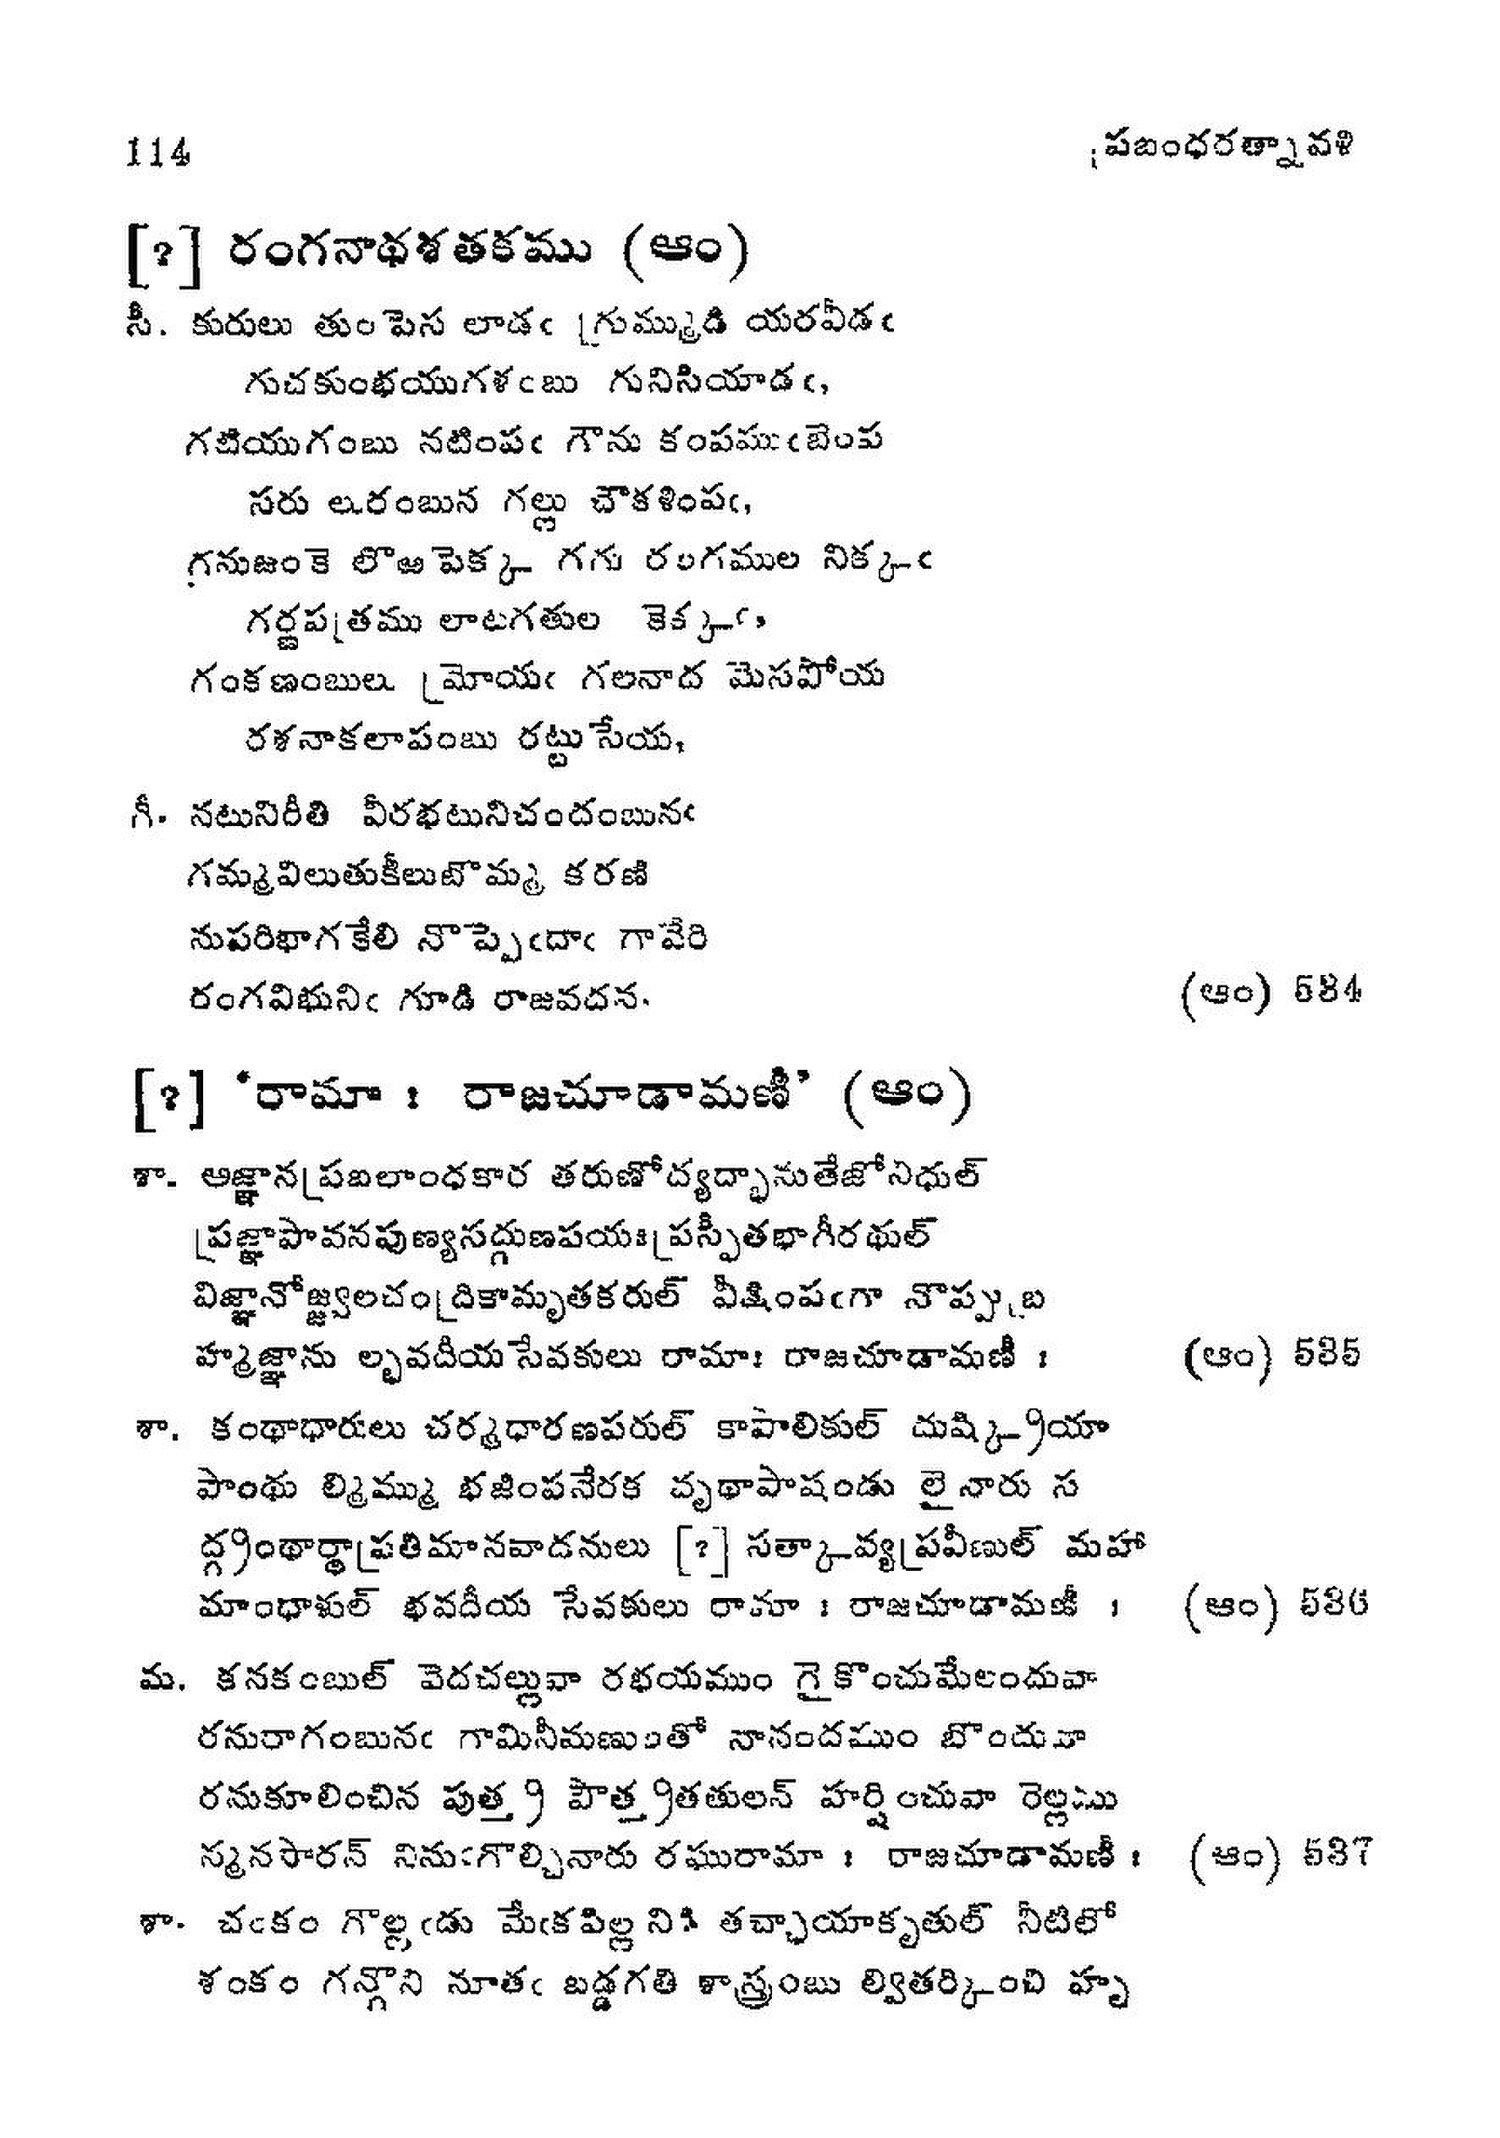? [రంగనాథశతకము] (ఆం)
సీ. కురులు తుంపెసలాడఁ గ్రుమ్ముడి యరవీడఁ గుచ కుంభ యుగళంబుఁ గునిసియాడఁ
గటియుగంబు నటింపఁ గౌను కంపముఁబెంప సరు లురంబున గల్లు చౌకళింపఁ
గనుజంకె లొఱపెక్కగగు రంగముల నిక్కఁ గర్ణపత్రము లాటగతులకెక్కఁ
గంకణంబులు మ్రోయఁ గలనాద మెసపోయ రశనా కలాపంబు రట్టు సేయ
ఆ. నటునిరీతి వీరభటుని చందంబున
గమ్మవిలుతు కీలుబొమ్మ కరణి
నుపరిభాగకేలి నొప్పె దాఁ గావేరి
రంగవిభుని గూడి రాజవదన. (ఆం) 534

? [‘రామా! రాజచూడామణీ’] (ఆం)
శా. అజ్ఞాన ప్రబలాంధకార తరుణోద్యద్భాను తేజోనిధుల్
ప్రజ్ఞా పావనపుణ్యసద్గుణ పయః ప్రస్ఫీత భాగీరథుల్
విజ్ఞానోజ్జ్వల చంద్రికామృతకరుల్ వీక్షింపఁగా నొప్పు బ్ర
హ్మజ్ఞాను ల్భవదీయ సేవకులు రామా! రాజచూడామణీ! (ఆం) 535

శా. కంథాధారులు చర్మధారుణపరుల్ కాపాలికుల్ దుష్క్రియా
పాంథు ల్మిమ్ము భజింపనేరక వృథాపాషండులైనారు స
ద్గ్రంథార్థాప్రతిమానవాదనులు [?] సత్కావ్యప్రవీణుల్ మహా
మాంధాళుల్ భవదీయ సేవకులు రామా! రాజచూడామణీ! (ఆం) 536

మ. కనకంబుల్ వెదచల్లు వా రభయముం గైకొంచు మేలందు వా
రనురాగంబునఁ గామినీమణులతో నానందముం బొందు వా
రనుకూలించిన పుత్త్ర పౌత్త్రతతులన్ హర్షించు వారెల్ల ము
న్మనసారన్ నినుఁగొల్చినారు రఘురామా! రాజచూడామణీ! (ఆం) 537

శా. చంకం గొల్లఁడు మేఁకపిల్లనిడి తచ్ఛాయాకృతుల్ నీటిలో
శంకం గన్గొని నూతఁబడ్డగతి శాస్త్రంబు ల్వితర్కించి హృ